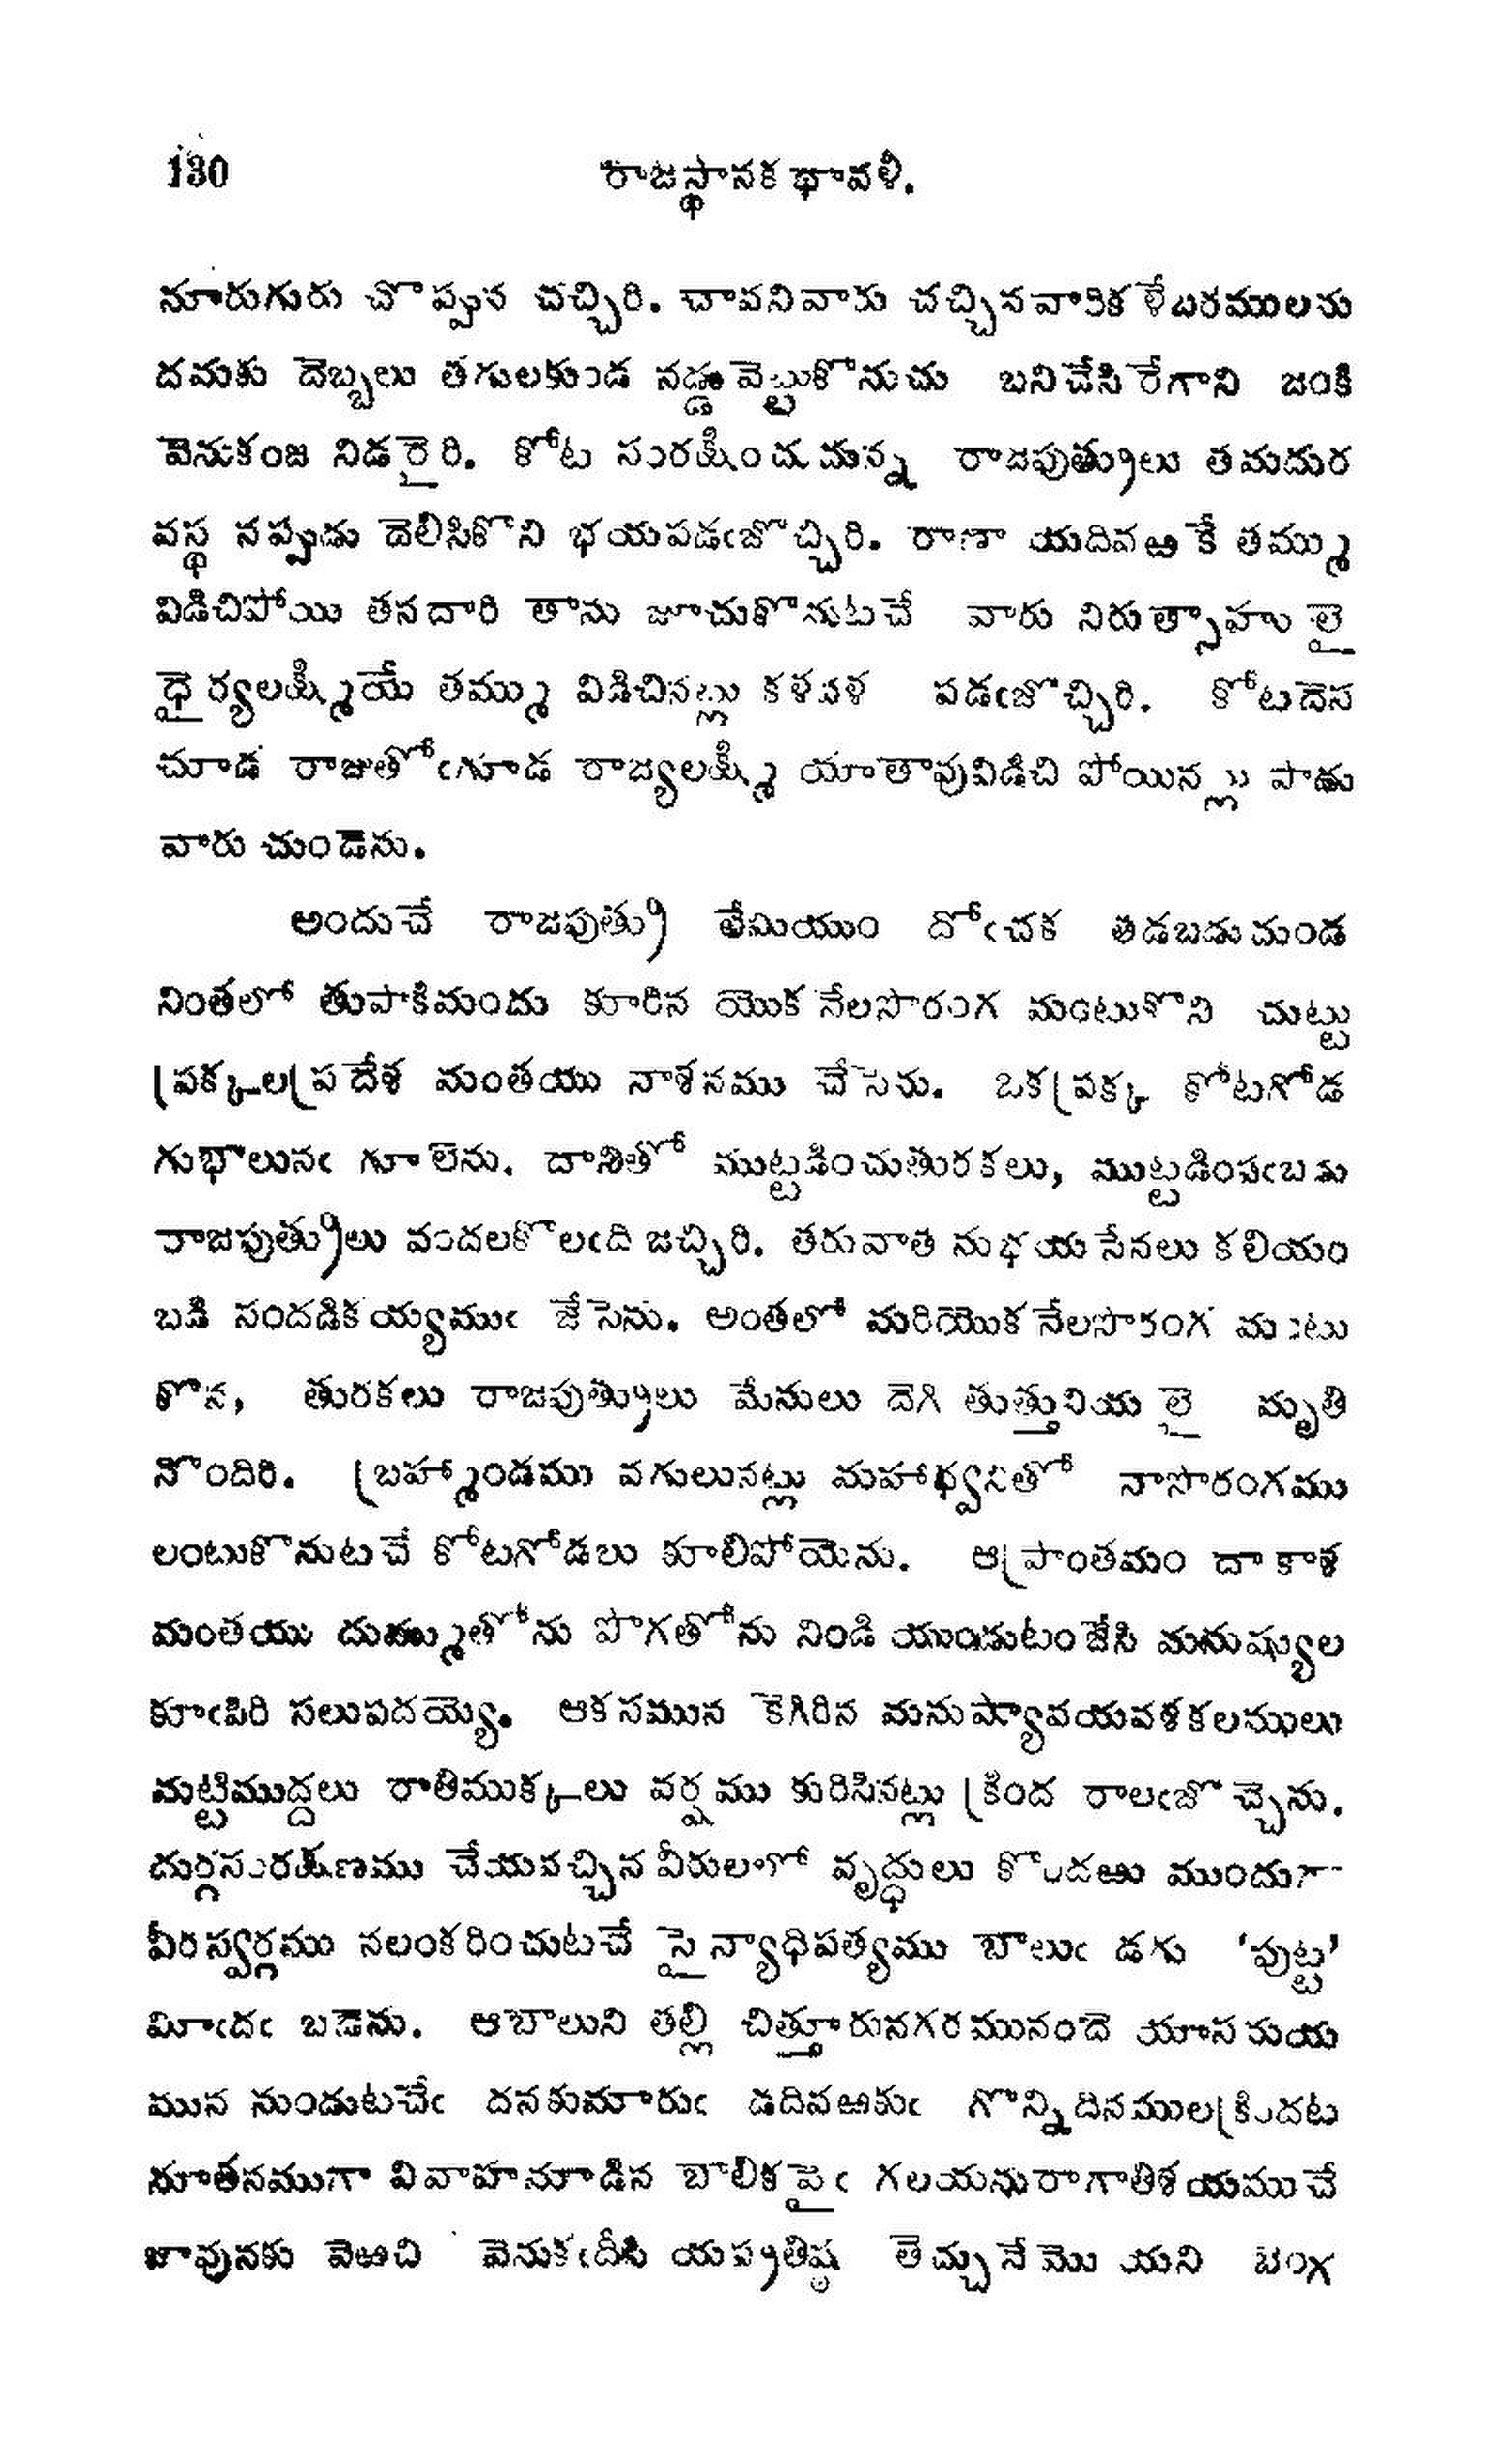నూరుగురు చొప్పున చచ్చిరి. చావనివారు చచ్చిన వారికళేబరములను దమకు దెబ్బలు తగులకుండ నడ్డు వెట్టుకోనుచు బనిచేసిరేగాని జంకి వెనుకంజ నిడరైరి. కోట సంరక్షించుచున్న రాజపుత్రులు తమ దురవస్థ నప్పుడు దెలిసికొని భయపడఁజొచ్చిరి. రాణా యదివఱకే తమ్ము విడిచిపోయి తనదారి తాను జూచుకొనుటచే వారు నిరుత్సాహులై ధైర్యలక్ష్మియే తమ్ము విడిచినట్లు కళవళ పడఁజొచ్చిరి. కోటదెస
చూడ రాజుతోఁగూడ రాజ్యలక్ష్మి యాతావు విడిచి పోయినట్లు పాడు వారు చుండెను.

అందుచే రాజపుతు లేమియుం దోఁచక తడబడుచుండ నింతలో తుపాకిమందు కూరిన యొక నేలసోరంగ మంటుకొని చుట్టు ప్రక్కల ప్రదేశ మంతయు నాశనము చేసెను. ఒక ప్రక్క కోటగోడ గుభాలునఁ గూలెను. దానితో ముట్టడించుతురకలు, ముట్టడింపఁబడు రాజపుత్రులు వందలకొలఁది జచ్చిరి. తరువాత నుభయ సేనలు కలియం బడి సందడికయ్యముఁ జేసెను. అంతలో మరియొక నేలసొరంగ మంటుకొన, తురకలు రాజపుత్రులు మేనులు దెగి తుత్తునియలై మృతి నొందిరి. బ్రహ్మాండము వగులునట్లు మహాధ్వనితో నాసొరంగము లంటుకొనుటచే కోటగోడలు కూలిపోయెను. ఆ ప్రాంతమం దాకాశమంతయు దుమ్ముతోను పొగతోను నిండి యుండుటం జేసి మనుష్యుల కూఁపిరి సలుపదయ్యె. ఆకసమున కెగిరిన మనుష్యావయవశకలములు మట్టిముద్దలు రాతిముక్కలు వర్షము కురిసినట్లు క్రింద రాలఁజొచ్చెను.
దుర్గసంరక్షణము చేయవచ్చిన వీరులలో వృద్ధులు కొందఱు ముందుగా వీర స్వర్గము నలంకరించుటచే సైన్యాధిపత్యము బాలుఁ డగు 'పుట్ట' మీదఁబడెను. ఆబాలుని తల్లి చిత్తూరునగరమునందె యాసమయమున నుండుటచేఁ దన కుమారుఁ డదివఱకుఁ గొన్ని దినముల క్రిందట
నూతనముగా వివాహమాడిన బాలికపైఁ గలయను రాగాతిశయము చే జావునకు వెఱచి వెనుక దీసి యప్రతిష్ట తెచ్చునేమొ యని బెంగ